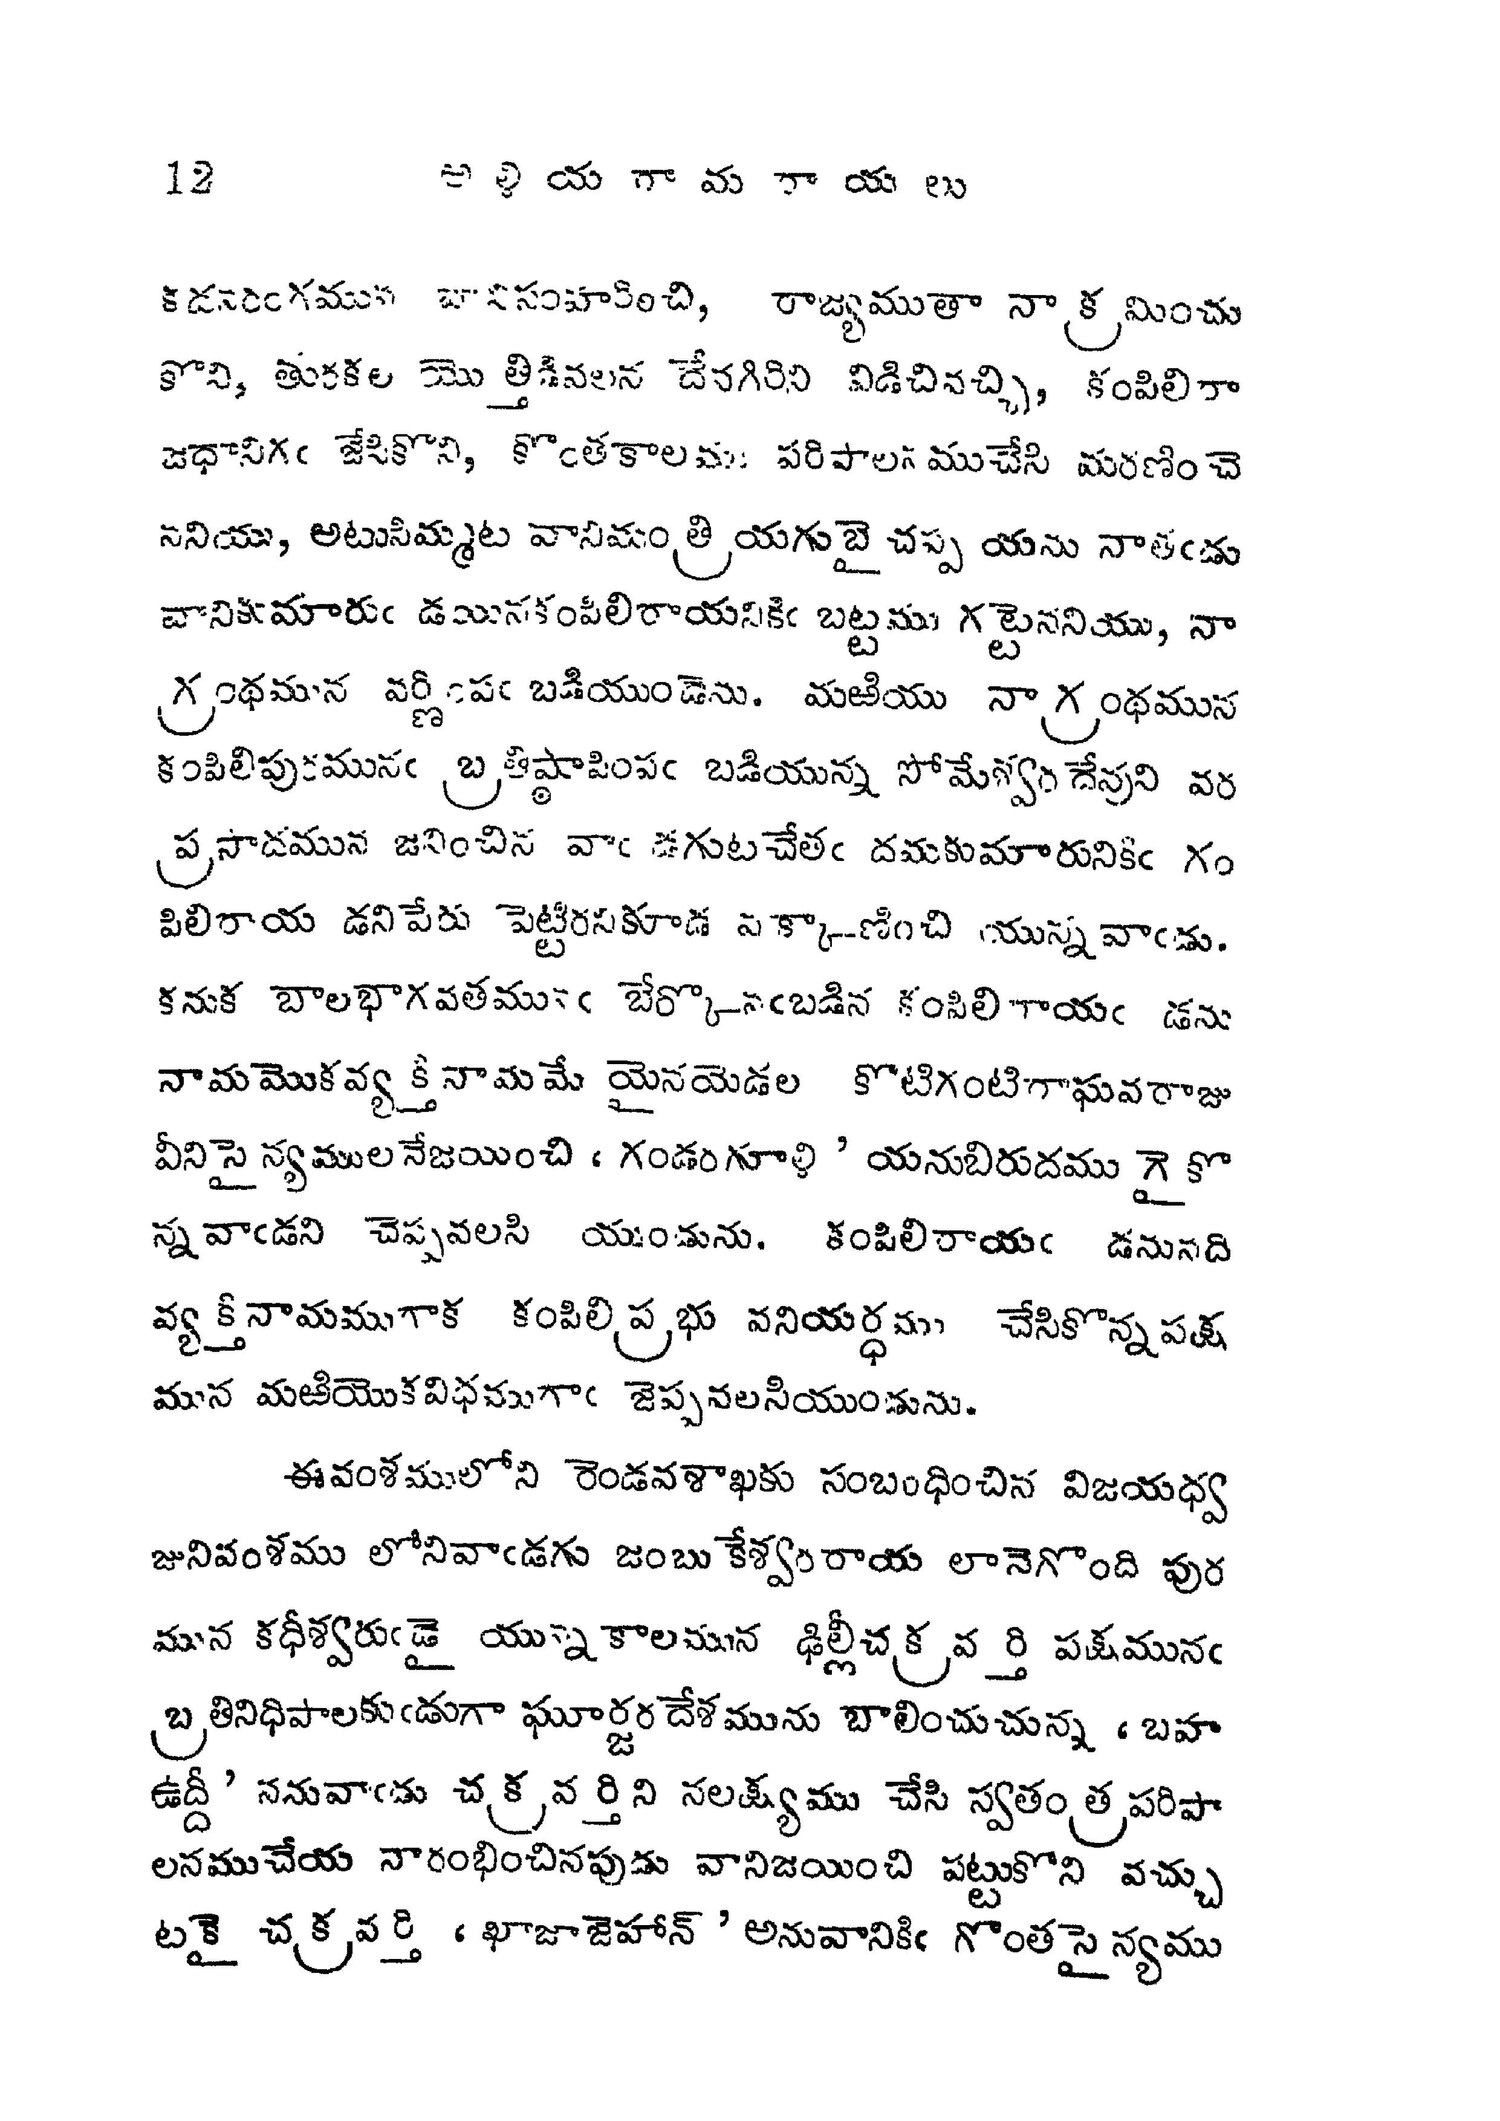కదనరంగమున వానిసంహరించి, రాజ్తముతా నాక్రమించుకొని, తురకల యొత్తిడివలన దేవగిరిని విడిచివచ్చి, కంపిలి రాజధానిగ జేసికొని, కొంతకాలము పరిపాలనచేసి మరణించెననియు, అటుపిమ్మట వానిమంత్రియగు బైచప్ప యను నాతడు వానికుమారు డయిన కంపిలిరాయనికి బట్టము గట్టెననియు, నాగ్రంథమున వర్ణింప బడియుండెను. మఱియు నాగ్రంథమున కంపిలిపురమున బ్రతిష్ఠాపింప బడియున్న సోమేశ్వరదేవుని వరప్రసాదమున జనించిన వా డగుటచేత దమకుమారుని గంపిలిరాయ డనిపేరు పెట్టిరనికూడ వక్కాణించి యున్నవాడు. కనుక బాలభాగవతమున బేర్కొనబడిన కంపిలిరాయ డను నామమొక వ్యక్తినామమే యైనయెడల కొటిగంటి రాఘవరాజు వీనిసైన్యములనేజయించి 'గండరగూళి' యనుబిరుదము గైకొన్నవాడని చెప్పవలసి యుండును. కంపిలిరాయ డనునది వ్యక్తినామముగాక కంపిలిప్రభు వనియర్ధము చేసికొన్నపక్షమున మఱియొకవిధముగా జెప్పవలసియుండును.

ఈవంశములోని రెండవశాఖకు సంబంధించిన విజయధ్వజునివంశము లోనివాడగు జంబుకేశ్వరరాయ లానెగొంది పురమున కధీశ్వరుడై యున్నకాలమున డిల్లీచక్రవర్తి పక్షమున బ్రతినిధిపాలకుడుగా ఘూర్జరదేశమును బాలించుచున్న 'బహఉద్దీ' ననువాడు చక్రవర్తిని నలక్ష్యము చేసి స్వతంత్రపరిపాలనముచేయ నారంభించినపుడు వానిజయించి పట్టుకొని వచ్చుటకై చక్రవర్తి 'ఖాజాజెహాన్‌' అనువానికి గొంతసైన్యము